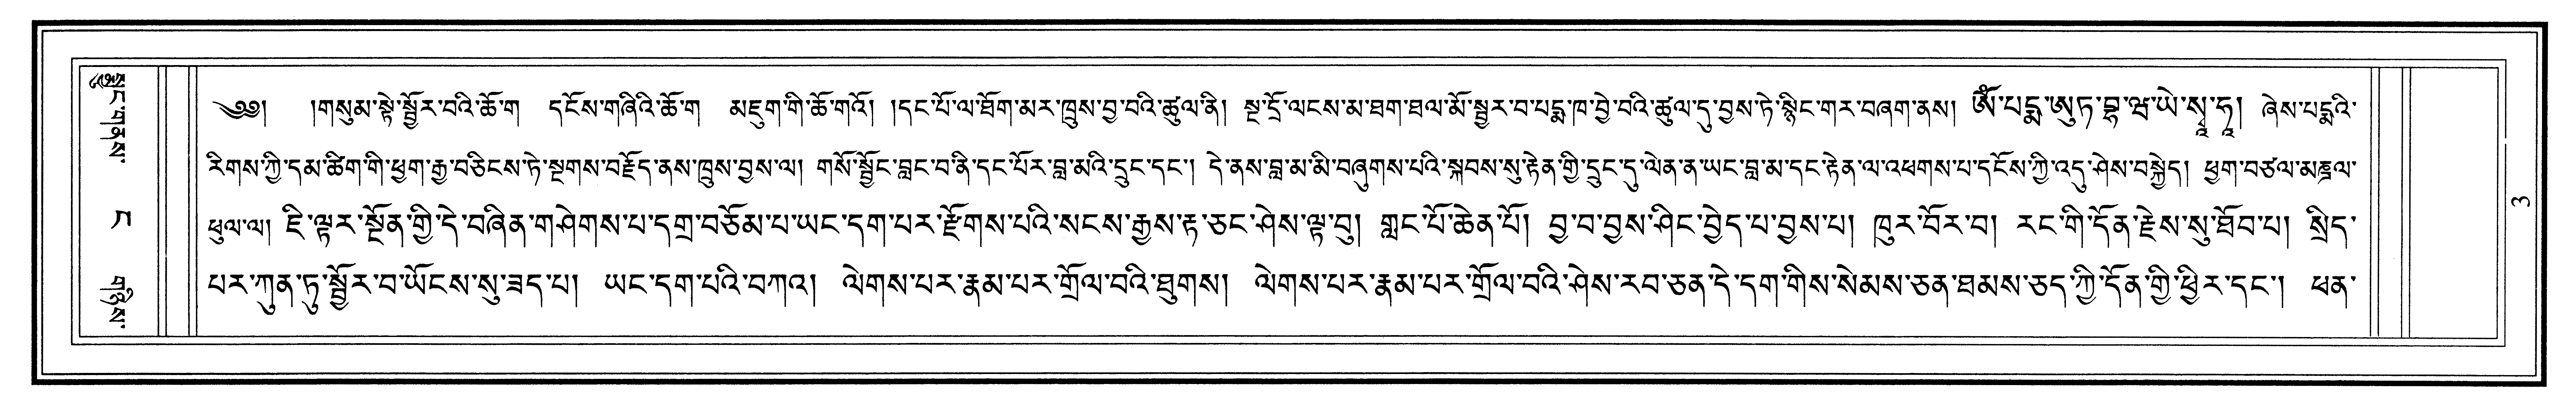༄༅། །གསུམ་སྟེ་སྦྱོར་བའི་ཆོ་ག། དངོས་གཞིའི་ཆོ་ག། མཇུག་གི་ཆོ་གའོ། །དང་པོ་ལ་ཐོག་མར་ཁྲུས་བྱ་བའི་ཚུལ་ནི། སྔ་དྲོ་ལངས་མ་ཐག་ཐལ་མོ་སྦྱར་བ་པདམ་ཁ་བྱེ་བའི་ཚུལ་དུ་བྱས་ཏེ་སྙིང་གར་བཞག་ནས། ཨོཾ་པདམ་ཨུཏ་བྷ་ཝ་ཡེ་སྭཱ་ཧཱ། ཞེས་པདམའི་
རིགས་ཀྱི་དམ་ཚིག་གི་ཕྱག་རྒྱ་བཅིངས་ཏེ་སྔགས་བརྗོད་ནས་ཁྲུས་བྱས་ལ། གསོ་སྦྱོང་བླང་བ་ནི་དང་པོར་བླ་མའི་དྲུང་དང་། དེ་ནས་བླ་མ་མི་བཞུགས་པའི་སྐབས་སུ་རྟེན་གྱི་དྲུང་དུ་ལེན་ན་ཡང་བླ་མ་དང་རྟེན་ལ་འཕགས་པ་དངོས་ཀྱི་འདུ་ཤེས་བསྐྱེད། ཕྱག་བཙལ་མཎྜལ་
ཕུལ་ལ། ཇི་ལྟར་སྔོན་གྱི་དེ་བཞིན་གཤེགས་པ་དགྲ་བཅོམ་པ་ཡང་དག་པར་རྫོགས་པའི་སངས་རྒྱས་རྟ་ཅང་ཤེས་ལྟ་བུ། གླང་པོ་ཆེན་པོ། བྱ་བ་བྱས་ཤིང་བྱེད་པ་བྱས་པ། ཁུར་བོར་བ། རང་གི་དོན་རྗེས་སུ་ཐོབ་པ། སྲིད་
པར་ཀུན་ཏུ་སྦྱོར་བ་ཡོངས་སུ་ཟད་པ། ཡང་དག་པའི་བཀའ། ལེགས་པར་རྣམ་པར་གྲོལ་བའི་ཐུགས། ལེགས་པར་རྣམ་པར་གྲོལ་བའི་ཤེས་རབ་ཅན་དེ་དག་གིས་སེམས་ཅན་ཐམས་ཅད་ཀྱི་དོན་གྱི་ཕྱིར་དང་། ཕན་